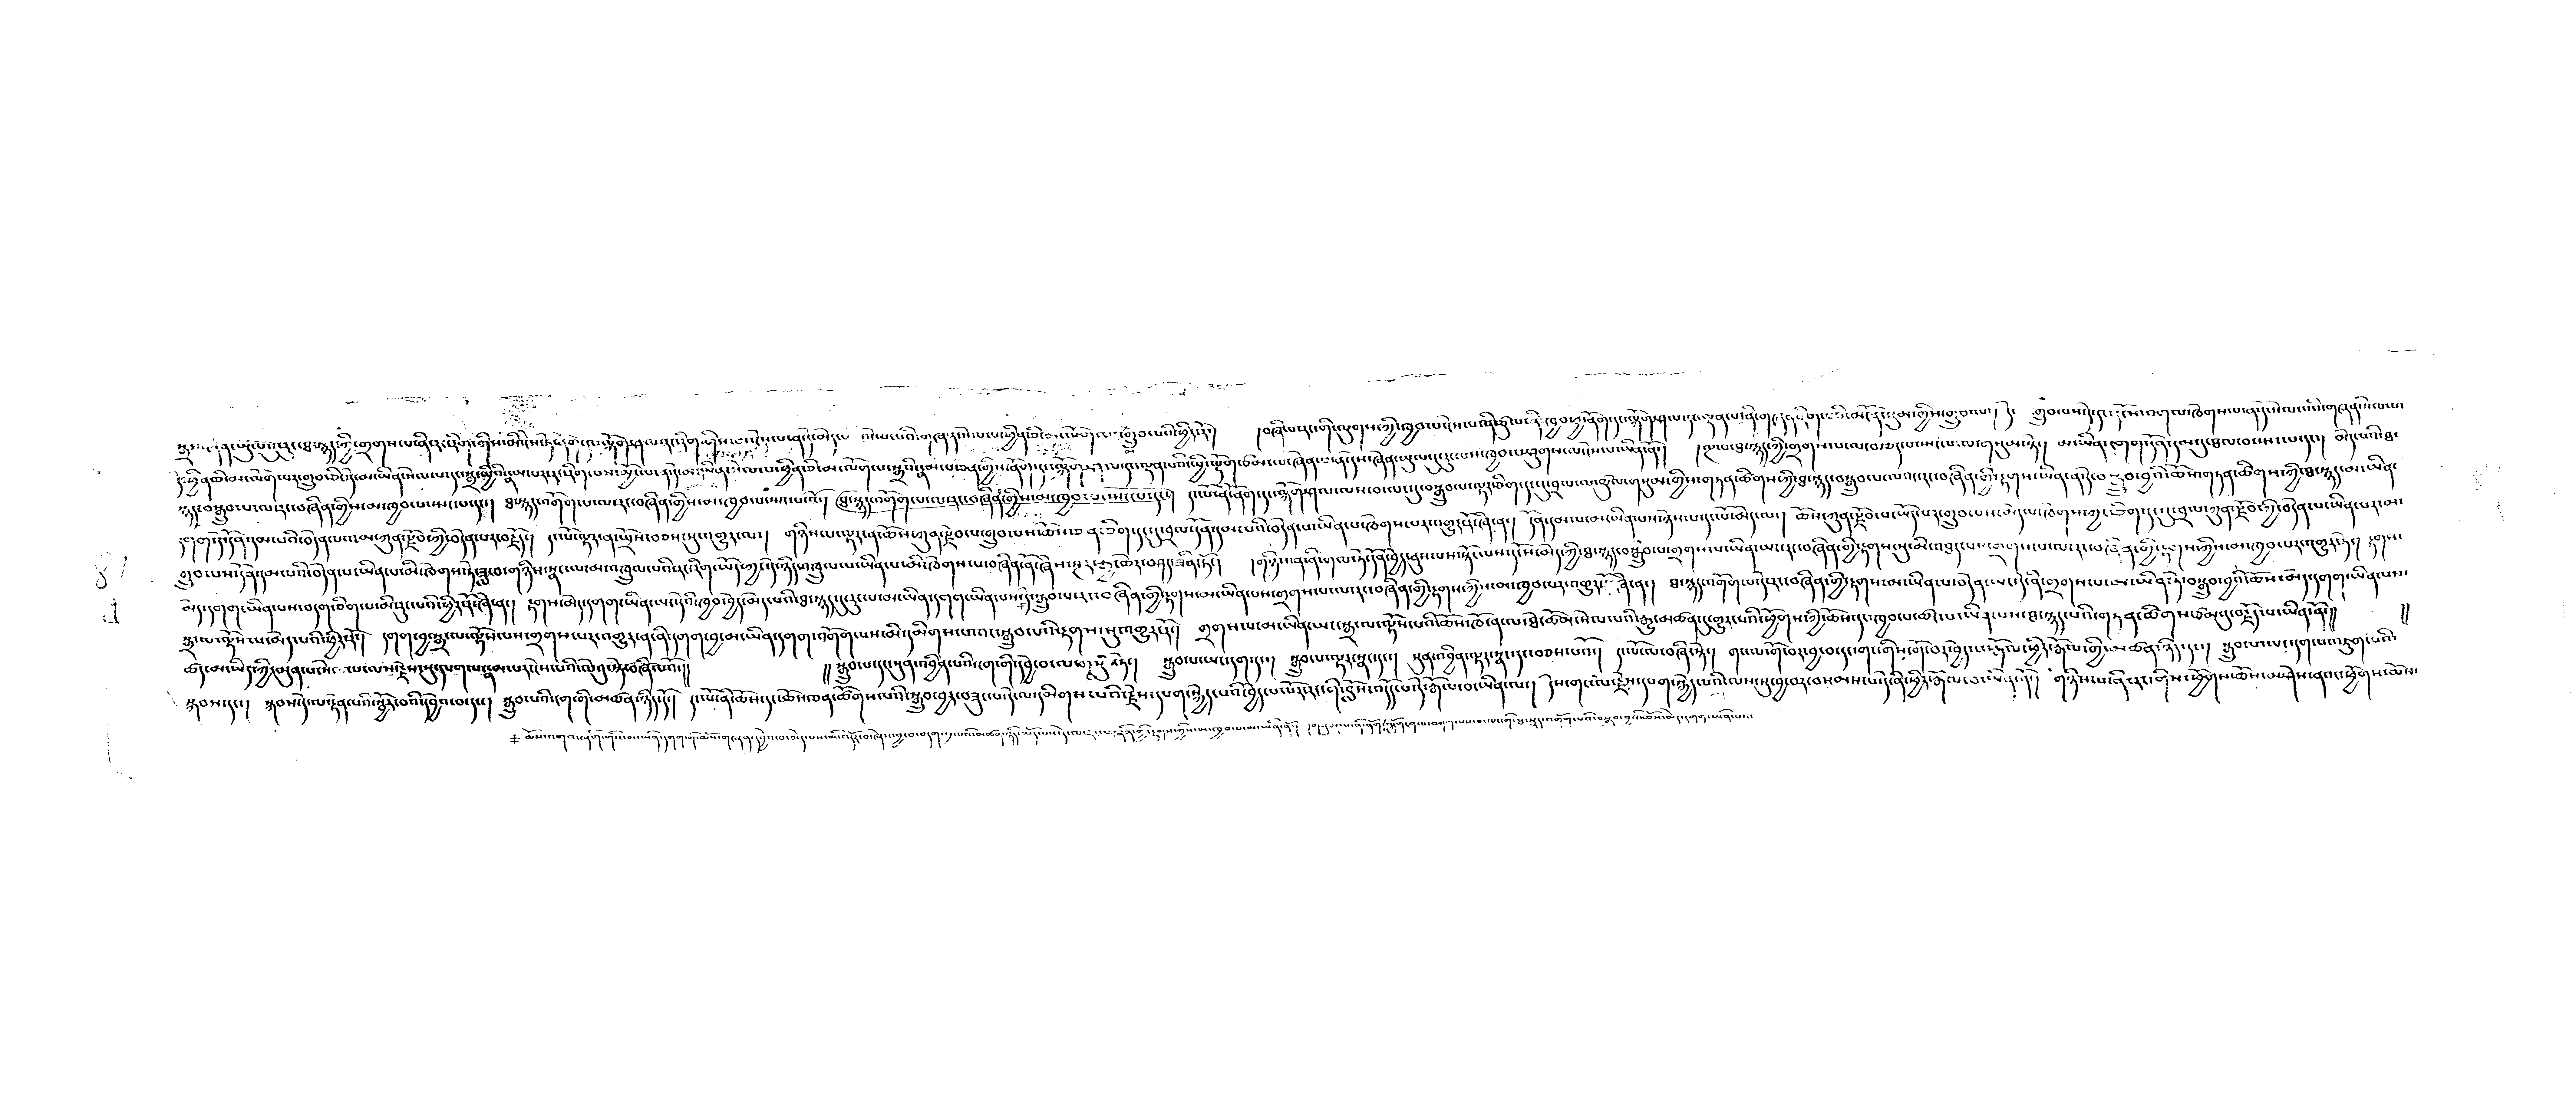སྒྲས་ཞེན་ཡུལ་དུ་རུང་ཐ་སྙད་ཀྱི་གྲགས་པ་ནི་རང་རིག་གིས་མི་ངེས་ཏེ་ནོག?་དང་ལྐོག་ཤལ་རང་རིག་གིས་མ་ངེས་པ་ན་དེ་མེད་པའི་ཡང་པའི་གཞན་སེལ་པ་ཕྱིན་ཅི་མ་ལོག་པ་མ་གྲུབ་པའི་ཕྱིར་རོ། །བཞི་པ་རང་གི་ལུགས་ཀྱི་ཁྱབ་པ་ངེས་པ་ནི་ཚུལ་ནི་ཁྱབ་བྱ་ནོག་དང་ལྐོག་ཤལ་དང་ལྡན་པ་ནི་གཞན་རིག་པའི་མངོན་སུམ་གྱིས་གྲུབ་ལ། དེ་གྲུབ་པས་དེ་དང་དངོས་འགལ་ཁེགས་པ་ན་དེ་སེལ་པའི་གཞན་སེལ་པ་
དེ་ཕྱིན་ཅི་མ་ལོག་པར་གྲུབ་ཅིང་དེ་མ་ཡིན་སེལ་པ་དང་སྒྲ་སྤྱིའི་རྣམ་པར་རང་རིག་པས་མྱོང་པ་ན་དེ་མ་ཡིན་སེལ་པ་ཕྱིན་ཅི་མ་ལོག་པ་སྒྲའི་རྣམ་པ་ཅན་གྱིས་ནོག་དང་ལྐོག་ཤལ་དང་ལྡན་པའི་སྤྱི་ལྡོག་ཙམ་ལ་ཞེན་པ་ན་དེས་ཞེན་ཡུལ་དུ་རུང་པས་ཁྱབ་པ་ཤུགས་ལ་ངེས་པ་ཡིན་ནོ། །ལྔ་པ་ཐ་སྙད་ཀྱི་གྲགས་པ་ལ་བརྩད་པ་སྤང་པ་ལ་གསུམ་སྟེ། མ་ཡིན་དགག་དོན་དམ་དུ་ཐལ་བ་སྤང་པ་དང་། མེད་པའི་ཐ་
སྙད་བསྒྲུབ་པ་ལ་རང་བཞིན་གྱིས་མ་ཁྱབ་པ་སྤང་པ་དང་། ཐ་སྙད་འགོག་པ་ལ་རང་བཞིན་གྱིས་མ་ཁྱབ་པ་སྤང་པའོ། ?དང་པོ་ནི་ནོག་དང་ལྐོག་ཤལ་ལས་བ་ལང་དུ་བསྒྲུབ་པ་ལྟར་ཅིག་དང་དུ་བྲལ་ལ་ཚུལ་གསུམ་གྱིས་གཏན་ཚིགས་ཀྱི་ཐ་སྙད་བསྒྲུབ་པ་ལའང་རང་བཞིན་གྱི་རྟགས་ཡིན་ན་དེ་བསྒྲུབ་བྱའི་ཆོས་གཏན་ཚིགས་ཀྱི་ཐ་སྙད་མ་ཡིན་
དགག་དེ་དོན་དམ་པའི་བདེན་པ་འམ་ཀུན་རྫོབ་ཀྱི་བདེན་པར་བརྗོད། དང་པོ་ལྟར་ན་སྤྲོས་བཅས་སུ་འགྱུར་ལ། གཉིས་པ་ལྟར་ན་ཆོས་ཀུན་རྫོབ་པ་གྲུབ་པས་ཆོས་ཅན་ཅིག་དང་དུ་བྲལ་དོན་དམ་པའི་བདེན་པ་ཡིན་པ་ཁེགས་པར་འགྱུར་རོ་ཞེ་ན། དོན་དམ་པ་མ་ཡིན་པས་ཉེས་པ་དང་པོ་མེད་ལ། ཆོས་ཀུན་རྫོབ་པ་ཡོད་པར་གྲུབ་པས་མེད་པ་ཁེགས་ཀྱང་ཅིག་དང་དུ་བྲལ་ཀུན་རྫོབ་ཀྱི་བདེན་པ་ཡིན་པར་མ་
གྲུབ་པས་དོན་དམ་པའི་བདེན་པ་ཡིན་པ་མི་ཁེགས་ཏེ་ཟླ་བ་གཉིས་སྣང་ལ་མ་འཁྲུལ་པའི་རང་རིག་ཡོད་ཀྱང་དེ་ཉིད་འཁྲུལ་པ་ཡིན་པ་མི་ཁེགས་པ་བཞིན་ནོ་ཞེས་སྔར་རྒྱ་ཆེར་བཤད་ཟིན་ཏོ། །གཉིས་ན་ནི་གལ་ཏེ་དོན་བྱེད་ནུས་པས་སྟོང་པས་དངོས་མེད་ཀྱི་ཐ་སྙད་བསྒྲུབ་པ་གྲགས་པ་ཡིན་ཡང་རང་བཞིན་གྱི་རྟགས་སུ་མི་འཐད་པས་གྲགས་པ་ལ་རང་བཞིན་གྱི་རྟགས་ཀྱིས་མ་ཁྱབ་པར་འགྱུར་ཏེ། རྟགས་
མེད་དགག་ཡིན་པས་བདག་ཅིག་པ་མི་རུང་པའི་ཕྱིར་རོ་ཞེ་ན། རྟགས་མེད་དགག་ཡིན་ཡང་དེའི་ཁྱབ་བྱེད་མེད་པའི་ཐ་སྙད་དུ་རུང་པ་མ་ཡིན་དགག་ཡིན་པས་?ཆོས་འགའ་ཞིག་གིས་མ་ཡིན་དགག་གི་ཆོས་གཞན་དབྱེ་བ་མེད་པས་མི་འདོར་བ་ཞེས་བྱ་བ་བདག་ཀྱང?་པའི་མཚན་ཉིད་ཡོད་པས་དེ་ལ་རང་བཞིན་གྱི་རྟགས་ཀྱིས་མ་ཁྱབ་པ་མ་ཡིན་ནོ། །གསུམ་པ་ནི་ནོག་དང་ལྐོག་ཤལ་བཀག་པས་བ་ལང་གི་ཐ་སྙད་འགོག་པའི་བསྒྲུབ་བྱའི་ཆོས་མེད་དགག་ཡིན་པས།  དེ་སྒྲུབ་པ་རང་བཞིན་གྱི་རྟགས་མ་ཡིན་པས་གྲགས་པ་ལ་རང་བཞིན་གྱི་རྟགས་ཀྱིས་མ་ཁྱབ་པར་འགྱུར་རོ་ཞེ་ན། ཐ་སྙད་འགོག་པ་དེ་རང་བཞིན་གྱི་རྟགས་མ་ཡིན་པ་བདེན་ཡང་དེ་ནི་གྲགས་པ་མ་ཡིན་ཏེ་བསྒྲུབ་བྱའི་ཆོས་མེད་དགག་ཡིན་པས་
སྒྲ་ལ་ལྟོས་པ་མེད་པའི་ཕྱིར་རོ། དགག་བྱ་སྒྲ་ལ་ལྟོས་པས་གྲགས་པར་འགྱུར་ན་ནི་དགག་བྱ་མ་ཡིན་དགག་འགོག་པས་མི་དམིགས་པ་འང་སྒྲུབ་པའི་རྟགས་སུ་འགྱུར་རོ། གྲགས་པ་མ་ཡིན་ཡང་སྒྲ་ལ་ལྟོས་པའི་ཆོས་ཁོ་ན་ལ་ཐེ་ཚོམ་སེལ་པའི་རྒྱུ་མཚན་དུ་གྱུར་པའི་ཕྱོགས་ཀྱི་ཆོས་དང་ཁྱབ་པ་ཚང་པ་ཡིན་པས་ཐ་སྙད་པའི་གཏན་ཚིགས་ཙམ་དུ་བརྗོད་པ་ཡིན་ནོ།། །།
ཚད་མ་ཡིད་ཀྱི་མུན་པ་སེལ་པ་ལས་རྗེས་སུ་དཔག་པ་རྣམ་པར་ངེས་པའི་ལེའུ་སྟེ་བཞི་པའོ།། །།སྒྲུབ་པ་དང་སུན་འབྱིན་པའི་ངག་གི་དབྱེ་བ་ལ་གསུམ་ཏེ། སྒྲུབ་པ་ཡང་དག་དང་། སྒྲུབ་པ་ལྟར་སྣང་དང་། སུན་འབྱིན་ལྟར་སྣང་དང་བཅས་པའོ། དང་པོ་ལ་བཞི་སྟེ། གང་ལ་གོ་བར་བྱ་བ་དང་གང་གིས་གོ་བར་བྱེད་པ་རྒོལ་ཕྱིར་རྒོལ་གྱི་མཚན་ཉིད་དང་། སྒྲུབ་པ་ལ་དག་པ་འཇུག་པའི་
སྐབས་དང་། སྐབས་དེ་ལ་རྟེན་པའི་སྦྱོར་བའི་དབྱེའ་བ་དང་། སྒྲུབ་པའི་ངག་གི་མཚན་ཉིད་དོ། དང་པོ་ནི་ཆོས་དང་ཆོས་ཅན་ཚོགས་པའི་སྒྲུབ་བྱར་བཟུང་པ་དེ་ལ་དམིགས་པའི་རྗེས་དཔག་སྐྱེད་པའི་བྱེད་པ་པོར་རང་གི་བློས་འདོད་པ་དེ་རྒོལ་བ་ཡིན་ལ། དེས་གང་ལ་རྗེས་དཔག་སྐྱེད་པའི་ལས་སུ་བྱ་བར་བསམས་པ་དེ་ནི་ཕྱིར་རྒོལ་བ་ཡིན་ནོ། གཉིས་པ་ནི་རང་གིས་ཕྱོགས་ཆོས་མ་ཤེས་ནའང་ཕྱོགས་ཆོས་